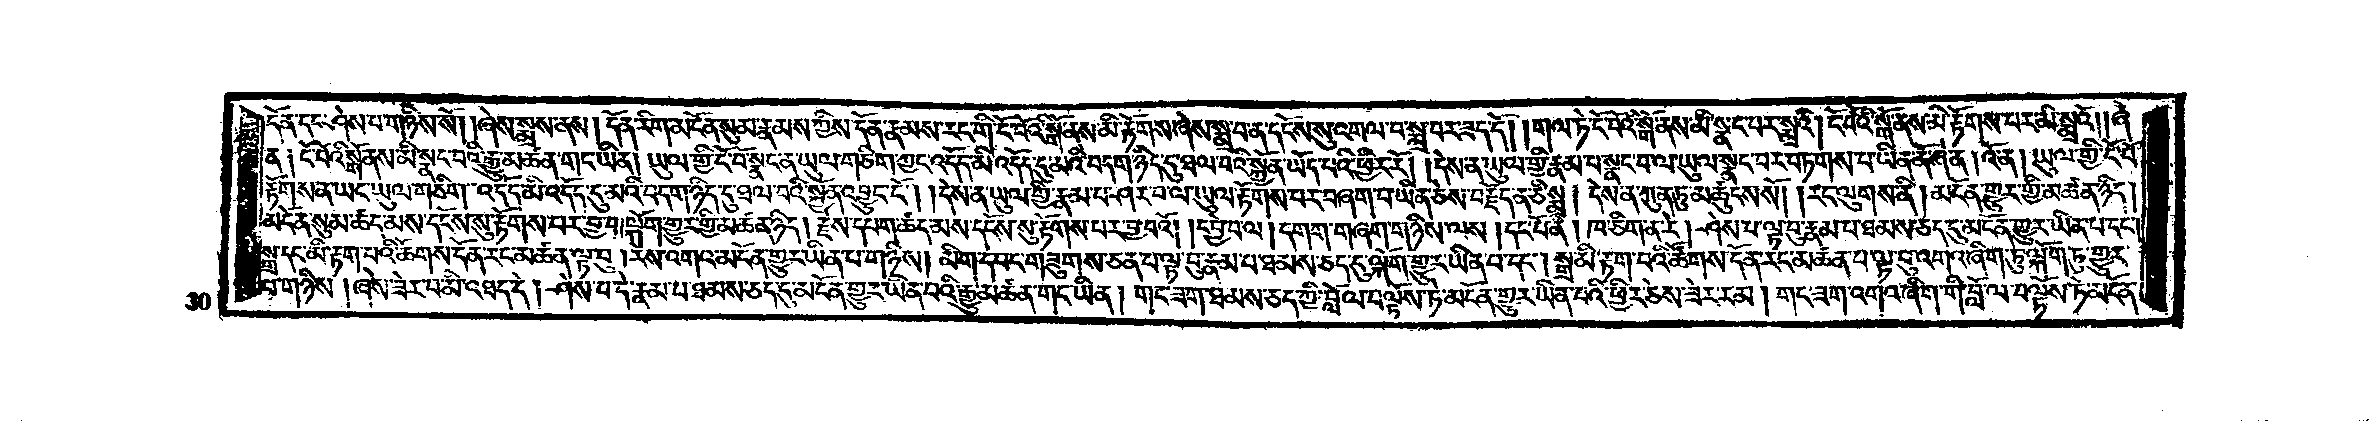དོན་དང་ཤེས་པ་གཉིས་སོ། །ཞེས་སྨྲས་ནས། དོན་རིག་མངོན་སུམ་རྣམས་ཀྱིས་དོན་རྣམས་རང་གི་ངོ་བོའི་སྒོ་ནས་མི་རྟོགས་ཞེས་སྨྲ་བ་ན་དངོས་སུ་འགལ་བ་སྨྲ་བར་ཟད་དོ། །གལ་ཏེ་ངོ་བོའི་སྒོ་ནས་མི་སྣང་བར་སྨྲའི། ངོ་བོའི་སྒོ་ནས་མི་རྟོགས་པར་མི་སྨྲའོ། །ཞེ་
ན༑ ངོ་བོའི་སྒོ་ནས་མི་སྣང་བའི་རྒྱུ་མཚན་གང་ཡིན། ཡུལ་གྱི་ངོ་བོ་སྣང་ན་ཡུལ་གཅིག་ཀྱང་འདོད་མི་འདོད་དུ་མའི་བདག་ཉིད་དུ་ཐལ་བའི་སྐྱོན་ཡོད་པའི་ཕྱིར་རོ། །དེས་ན་ཡུལ་གྱི་རྣམ་པ་སྣང་བ་ལ་ཡུལ་སྣང་བར་བཏགས་པ་ཡིན་ནོ་ཞེ་ན། འོ་ན། ཡུལ་གྱི་ངོ་བོ་
རྟོགས་ན་ཡང་ཡུལ་གཅིག་འདོད་མི་འདོད་དུ་མའི་བདག་ཉིད་དུ་ཐལ་བའི་སྐྱོན་འབྱུང་ངོ། །དེས་ན་ཡུལ་གྱི་རྣམ་པ་ཤར་བ་ལ་ཡུལ་རྟོགས་པར་བཞག་པ་ཡིན་ཅེས་བརྗོད་ན་ཅི་སྨྲ། དེས་ན་ཀུན་ཏུ་མཚུངས་སོ། །རང་ལུགས་ནི། མངོན་གྱུར་གྱི་མཚན་ཉིད།
མངོན་སུམ་ཚད་མས་དངོས་སུ་རྟོགས་པར་བྱ་བ། ལྐོག་གྱུར་གྱི་མཚན་ཉིད། རྗེས་དཔག་ཚད་མས་དངོས་སུ་རྟོགས་པར་བྱ་བའོ། །དབྱེ་བ་ལ། དགག་གཞག་གཉིས་ལས། དང་པོ་ནི། ཁ་ཅིག་ན་རེ། ཤེས་པ་ལྟ་བུ་རྣམ་པ་ཐམས་ཅད་དུ་མངོན་གྱུར་ཡིན་པ་དང་།
སྒྲ་དང་མི་རྟག་པའི་ཚོགས་དོན་རང་མཚན་ལྟ་བུ། རེས་འགའ་མངོན་གྱུར་ཡིན་པ་གཉིས། མིག་དབང་གཟུགས་ཅན་པ་ལྟ་བུ་རྣམ་པ་ཐམས་ཅད་དུ་ལྐོག་གྱུར་ཡིན་པ་དང་། སྒྲ་མི་རྟག་པའི་ཚོགས་དོན་རང་མཚན་པ་ལྟ་བུ་འགའ་ཞིག་ཏུ་ལྐོག་ཏུ་གྱུར་
པ་གཉིས། ཞེས་ཟེར་བ་མི་འཐད་དེ། ཤེས་པ་དེ་རྣམ་པ་ཐམས་ཅད་དུ་མངོན་གྱུར་ཡིན་པའི་རྒྱུ་མཚན་གང་ཡིན། གང་ཟག་ཐམས་ཅད་ཀྱི་བློ་ལ་བལྟོས་ཏེ་མངོན་གྱུར་ཡིན་པའི་ཕྱིར་ཅེས་ཟེར་རམ། གང་ཟག་འགའ་ཞིག་གི་བློ་ལ་བལྟོས་ཏེ་མངོན་